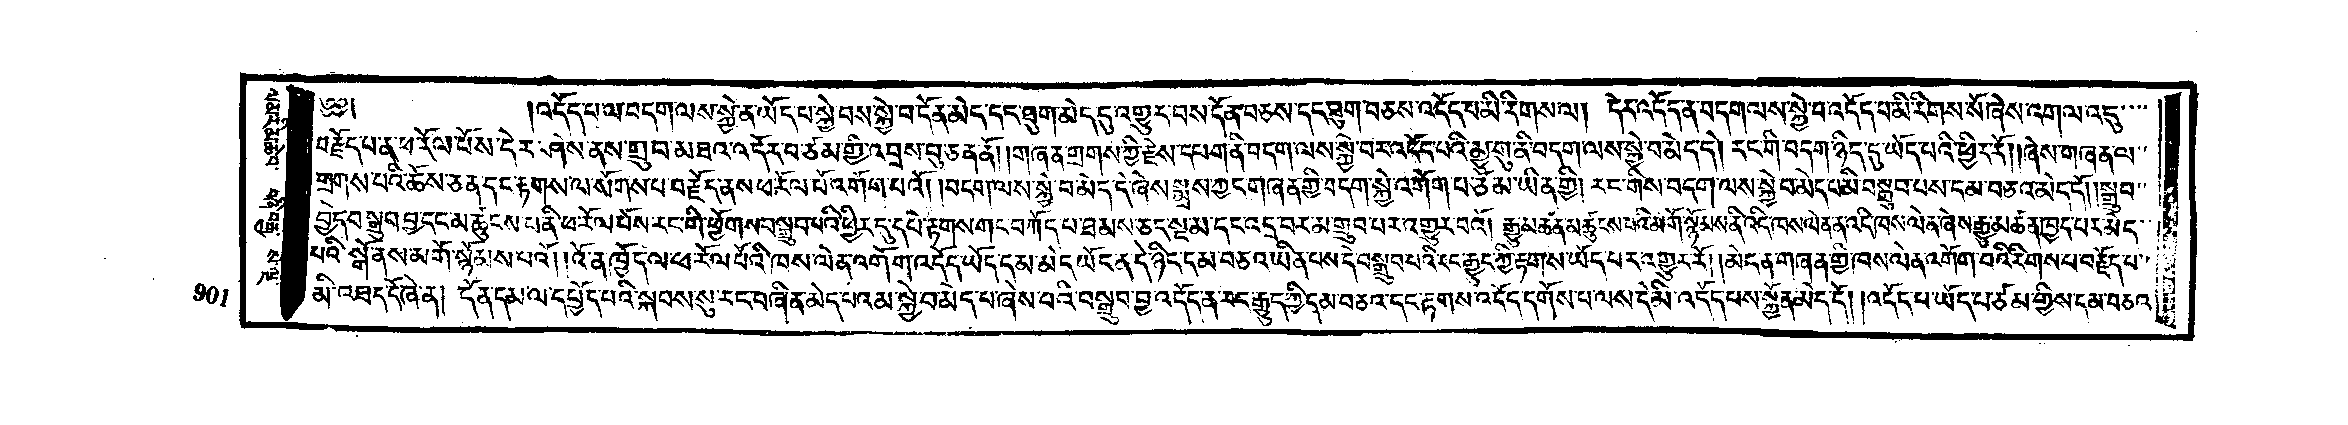༄༅། །འདོད་པ་ལ་བདག་ལས་སྐྱེ་ན་ཡོད་པ་སྐྱེ་བས་སྐྱེ་བ་དོན་མེད་དང་ཐུག་མེད་དུ་འགྱུར་བས་དོན་བཅས་དང་ཐུག་བཅས་འདོད་པ་མི་རིགས་ལ། དེར་འདོད་ན་བདག་ལས་སྐྱེ་བ་འདོད་པ་མི་རིགས་སོ་ཞེས་འགལ་འདུ་
བརྗོད་པ་ན་ཕ་རོལ་པོས་དེར་ཤེས་ནས་གྲུབ་མཐའ་འདོར་བ་ཙམ་གྱི་འབྲས་བུ་ཅན་ནོ། །གཞན་གྲགས་ཀྱི་རྗེས་དཔག་ནི་བདག་ལས་སྐྱེ་བར་འདོད་པའི་མྱུ་གུ་ནི་བདག་ལས་སྐྱེ་བ་མེད་དེ། རང་གི་བདག་ཉིད་དུ་ཡོད་པའི་ཕྱིར་རོ། །ཞེས་གཞན་ལ་
གྲགས་པའི་ཆོས་ཅན་དང་རྟགས་ལ་སོགས་པ་བརྗོད་ནས་ཕ་རོལ་བོ་འགོག་པའོ། །བདག་ལས་སྐྱེ་བ་མེད་དེ་ཞེས་སྨྲས་ཀྱང་གཞན་གྱི་བདག་སྐྱེ་འགོག་པ་ཙམ་ཡིན་གྱི། རང་གིས་བདག་ལས་སྐྱེ་བ་མེད་པ་མི་བསྒྲུབ་པས་དམ་བཅའ་མེད་དོ། །སྒྲུབ་
བྱེད་བསྒྲུབ་བྱ་དང་མཚུངས་པ་ནི་ཕ་རོལ་པོས་རང་གི་ཕྱོགས་བསྒྲུབ་པའི་ཕྱིར་དུ་དཔེ་རྟགས་གང་བཀོད་པ་ཐམས་ཅད་སྔ་མ་དང་འདྲ་བར་མ་གྲུབ་པར་འགྱུར་བའོ། །རྒྱུ་མཚན་མཚུངས་པའི་མགོ་སྙོམས་ནི་འདི་ཁས་ལེན་ན་འདི་ཁས་ལེན་ཞེས་རྒྱུ་མཚན་ཁྱད་པར་མེད་
པའི་སྒོ་ནས་མགོ་སྙོམས་པའོ། །འོ་ན་ཁྱོད་ལ་ཕ་རོལ་པོའི་ཁས་ལེན་འགོག་འདོད་ཡོད་དམ་མེད་ཡོད་ན་དེ་ཉིད་དམ་བཅའ་ཡིན་པས་དེ་བསྒྲུབ་པའི་རང་རྒྱུད་ཀྱི་རྟགས་ཡོད་པར་འགྱུར་རོ། །མེད་ན་གཞན་གྱི་ཁས་ལེན་འགོག་པའི་རིགས་པ་བརྗོད་པ་
མི་འཐད་དོ་ཞེ་ན། དོན་དམ་ལ་དཔྱོད་པའི་སྐབས་སུ་རང་བཞིན་མེད་པའམ་སྐྱེ་བ་མེད་པ་ཞེས་པའི་བསྒྲུབ་བྱ་འདོད་ན་རང་རྒྱུད་ཀྱི་དམ་བཅའ་དང་རྟགས་འདོད་དགོས་པ་ལས་དེ་མི་འདོད་པས་སྐྱོན་མེད་དོ། །འདོད་པ་ཡོད་པ་ཙམ་གྱིས་དམ་བཅའ་